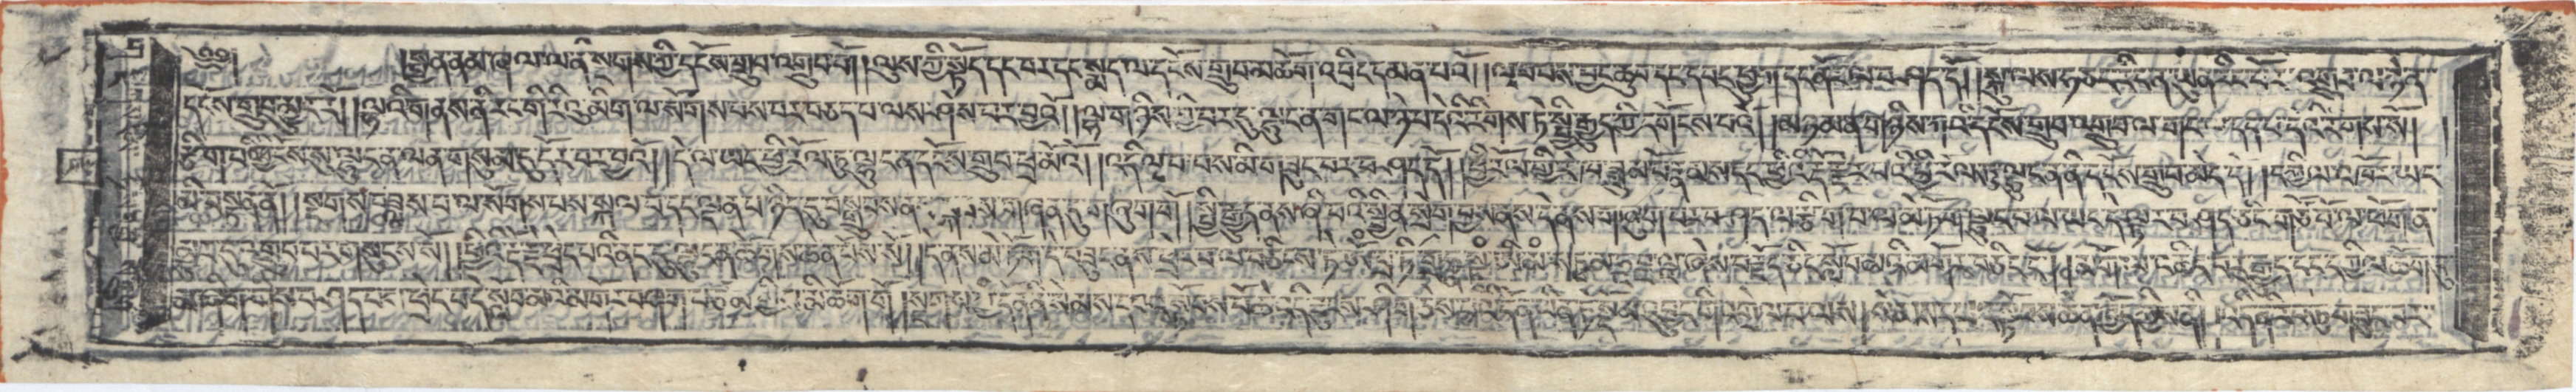༄༅། །སྤྱན་ནམ་ཞལ་ལ་ནི་སྔགས་ཀྱི་དངོས་གྲུབ་འགྲུབ་བོ། །ལུས་ཀྱི་སྟོད་དང་བར་དང་སྨད་ལ་དངོས་གྲུབ་མཆོག་འབྲིང་དམན་པའོ། །ལྭ་བ་པས་བྱང་ཆུབ་དང་དབང་ཕྱུག་དང་ནོར་ལ་བཤད་དོ། །སྐུ་ལས་ཧ་ཅང་རིང་ན་ཡུན་རིང་པོར་འགྲུབ་ལ་ཉེ་ན་
དངོས་གྲུབ་མྱུར་རོ། །ལྷའི་གནས་ནི་རང་གི་རིའུ་མིག་ལ་སོགས་པས་བར་བཅད་པ་ལས་ཤེས་པར་བྱའོ། །ལྷ་གཉིས་ཀྱི་བར་དུ་ལྷུང་ན་གང་ལ་ཉེ་པ་དེའི་རིགས་ཏེ་སྤྱི་རྒྱུད་ཀྱི་དགོངས་པའོ། །མཉམ་ན་གཉིས་ཀའི་དངོས་གྲུབ་འགྲུབ་ལ་གང་ལ་དད་པ་དེའི་རིགས་སོ། །
རྩིག་པའི་ཕྱི་ངོས་སུ་ལྷུང་ན་ལན་གསུམ་དུ་དོར་བར་བྱའོ། །དེ་ལ་ཡང་ཕྱི་རོལ་ཏུ་ལྷུང་ན་དངོས་གྲུབ་ཕྲ་མོའོ། །འདི་ལྭ་བ་པས་མི་གཟུང་བར་བཤད་དོ། །ཕྱི་རོལ་གྱི་རེ་ཁ་ཟླུམ་པོ་རྣམས་དང་ཕྱིའི་རྡོ་རྗེ་ར་བའི་ཕྱི་རོལ་ཏུ་ལྷུང་ན་ནི་དངོས་གྲུབ་མེད་དོ། །དཀྱིལ་འཁོར་ཡང་
མི་བསྟན་ནོ། །སྔགས་བཟླས་པ་ལ་སོགས་པས་སྐལ་པ་དང་ལྡན་པ་ཉིད་དུ་བསྒྲུབས་ནས་སྐབས་གཞན་དུ་གཞུག་གོ །སྤྱི་རྒྱུད་ནས་ཞི་བའི་སྦྱིན་སྲེག་བྱས་ནས་དེ་ནས་གཞུག་པར་བཤད་ལ་རྩིག་པ་ལ་མེ་ཏོག་ལྷུང་བ་ལ་ཡང་དེ་ལྟར་བཤད་ཅིང་གཙོ་བོ་ལ་ཕོག་ན་
མྱུར་དུ་འགྲུབ་པར་གསུངས་སོ། །ཕྱིའི་རྡོ་རྗེ་ཕྲེང་བའི་ནང་དུ་ལྷུང་ན་ཚོགས་ཆེན་པོས་སོ། །དེ་ནས་མེ་ཏོག་དེ་བཟུང་ནས་ཕྲེང་བ་ལ་བཅིངས་ཏེ་ཨོཾ་པྲ་ཏི་གྲྀཧྣ་སྟཾ་ཨི་མཾ་སཏྭ་མ་ཧཱ་བཱ་ལཱ་ཞེས་བརྗོད་ཅིང་སློབ་མའི་མགོར་བཅིང་ངོ། །མགོ་ལ་འཆིང་བར་རྒྱུད་དང་དཀྱིལ་ཆོག་དུ་
མ་ཞིག་གིས་བཤད་པས་ཕྲེང་བ་དེ་སློབ་མའི་མགོར་བཞག་པ་ཙམ་གྱིས་མི་ཆོག་གོ །སྔགས་ཀྱི་དོན་ནི་སེམས་དཔའ་སྟོབས་པོ་ཆེ་འདི་ཟུངས་ཤིག་ཅེས་པའི་དོན་ཡིན་ཏེ་སྡོམ་འབྱུང་གི་འགྲེལ་པ་ལས། སེམས་དཔའ་སྟོབས་ཆེན་ཁྱོད་ཀྱིས་ནི། །འདི་ནི་རབ་ཏུ་གཟུང་བར་